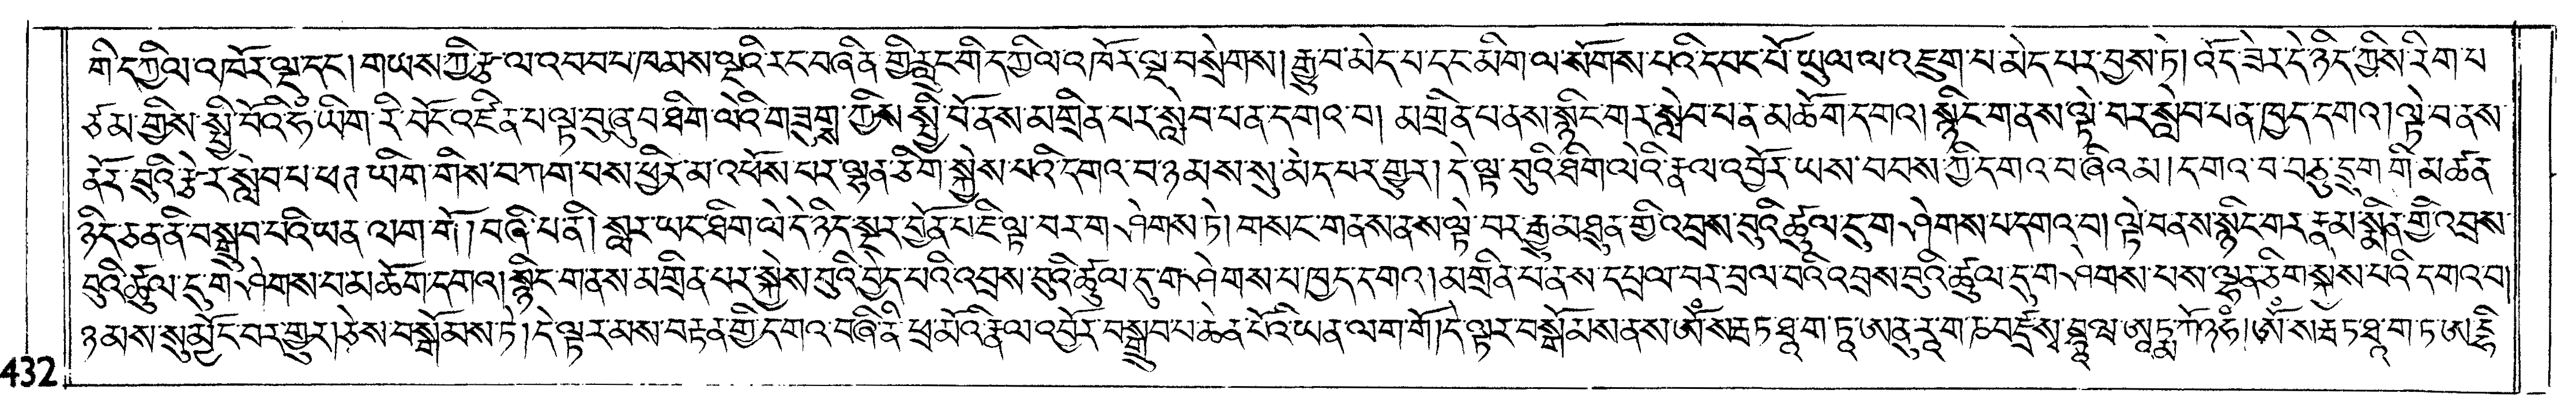གི་དཀྱིལ་འཁོར་ལྔ་དང་། གཡས་ཀྱི་རྩ་ལ་འབབ་པ་ཁམས་ལྔའི་རང་བཞིན་གྱི་རླུང་གི་དཀྱིལ་འཁོར་ལྔ་བསྲེགས། རྒྱུ་བ་མེད་པ་དང་མིག་ལ་སོགས་པའི་དབང་པོ་ཡུལ་ལ་འཇུག་པ་མེད་པར་བྱས་ཏེ། འོད་ཟེར་དེ་ཉིད་ཀྱིས་རིག་པ་
ཙམ་གྱིས་སྤྱི་བོའི་ཧཾ་ཡིག་རི་བོང་འཛིན་པ་ལྟ་བུ་ཞུ་བ་ཐིག་ལེའི་གཟུགས་ཀྱིས་སྤྱི་བོ་ནས་མགྲིན་པར་སླེབ་པ་ན་དགའ་བ། མགྲིན་པ་ནས་སྙིང་གར་སླེབ་པ་ན་མཆོག་དགའ། སྙིང་ག་ནས་ལྟེ་བར་སླེབ་པ་ན་ཁྱད་དགའ། ལྟེ་བ་ནས་
ནོར་བུའི་རྩེར་སླེབ་པ་ཕཊ་ཡིག་གིས་བཀག་པས་ཕྱིར་མ་འཕོས་པར་ལྷན་ཅིག་སྐྱེས་པའི་དགའ་བ་ཉམས་སུ་མེད་པར་གྱུར། དེ་ལྟ་བུའི་ཐིག་ལེའི་རྣལ་འབྱོར་ཡས་བབས་ཀྱི་དགའ་བ་ཞིའམ། དགའ་བ་བཅུ་དྲུག་གི་མཚན་
ཉིད་ཅན་ནི་བསྒྲུབ་པའི་ཡན་ལག་གོ །བཞི་པ་ནི། སླར་ཡང་ཐིག་ལེ་དེ་ཉིད་སྔར་བྱོན་པ་ཇི་ལྟ་བར་གཤེགས་ཏེ། གསང་གནས་ནས་ལྟེ་བར་རྒྱུ་མཐུན་གྱི་འབྲས་བུའི་ཚུལ་དུ་གཤེགས་པ་དགའ་བ། ལྟེ་བ་ནས་སྙིང་གར་རྣམ་སྨིན་གྱི་འབྲས་
བུའི་ཚུལ་དུ་གཤེགས་པ་མཆོག་དགའ། སྙིང་ག་ནས་མགྲིན་པར་སྐྱེས་བུའི་བྱེད་པའི་འབྲས་བུའི་ཚུལ་དུ་གཤེགས་པ་ཁྱད་དགའ། མགྲིན་པ་ནས་དཔྲལ་བར་བྲལ་བའི་འབྲས་བུའི་ཚུལ་དུ་གཤེགས་པས་ལྷན་ཅིག་སྐྱེས་པའི་དགའ་བ།
ཉམས་སུ་མྱོང་བར་གྱུར། ཅེས་བསྒོམས་ཏེ། དེ་ལྟར་མས་བརྟན་གྱི་དགའ་བཞི་ནི་ཕྲ་མོའི་རྣལ་འབྱོར་བསྒྲུབ་པ་ཆེན་པོའི་ཡན་ལག་གོ །དེ་ལྟར་བསྒོམས་ནས་ཨོཾ་སརྦ་ཏ་ཐཱ་ག་ཏཱ་ཨ་ནུ་རཱ་ག་ཎ་བཛྲ་སྭ་བྷཱ་ཝ་ཨཱཏྨ་ཀོ་ཉ་ཧཾ། ཨོཾ་སརྦ་ཏ་ཐཱ་ག་ཏ་ཨ་དྷི་